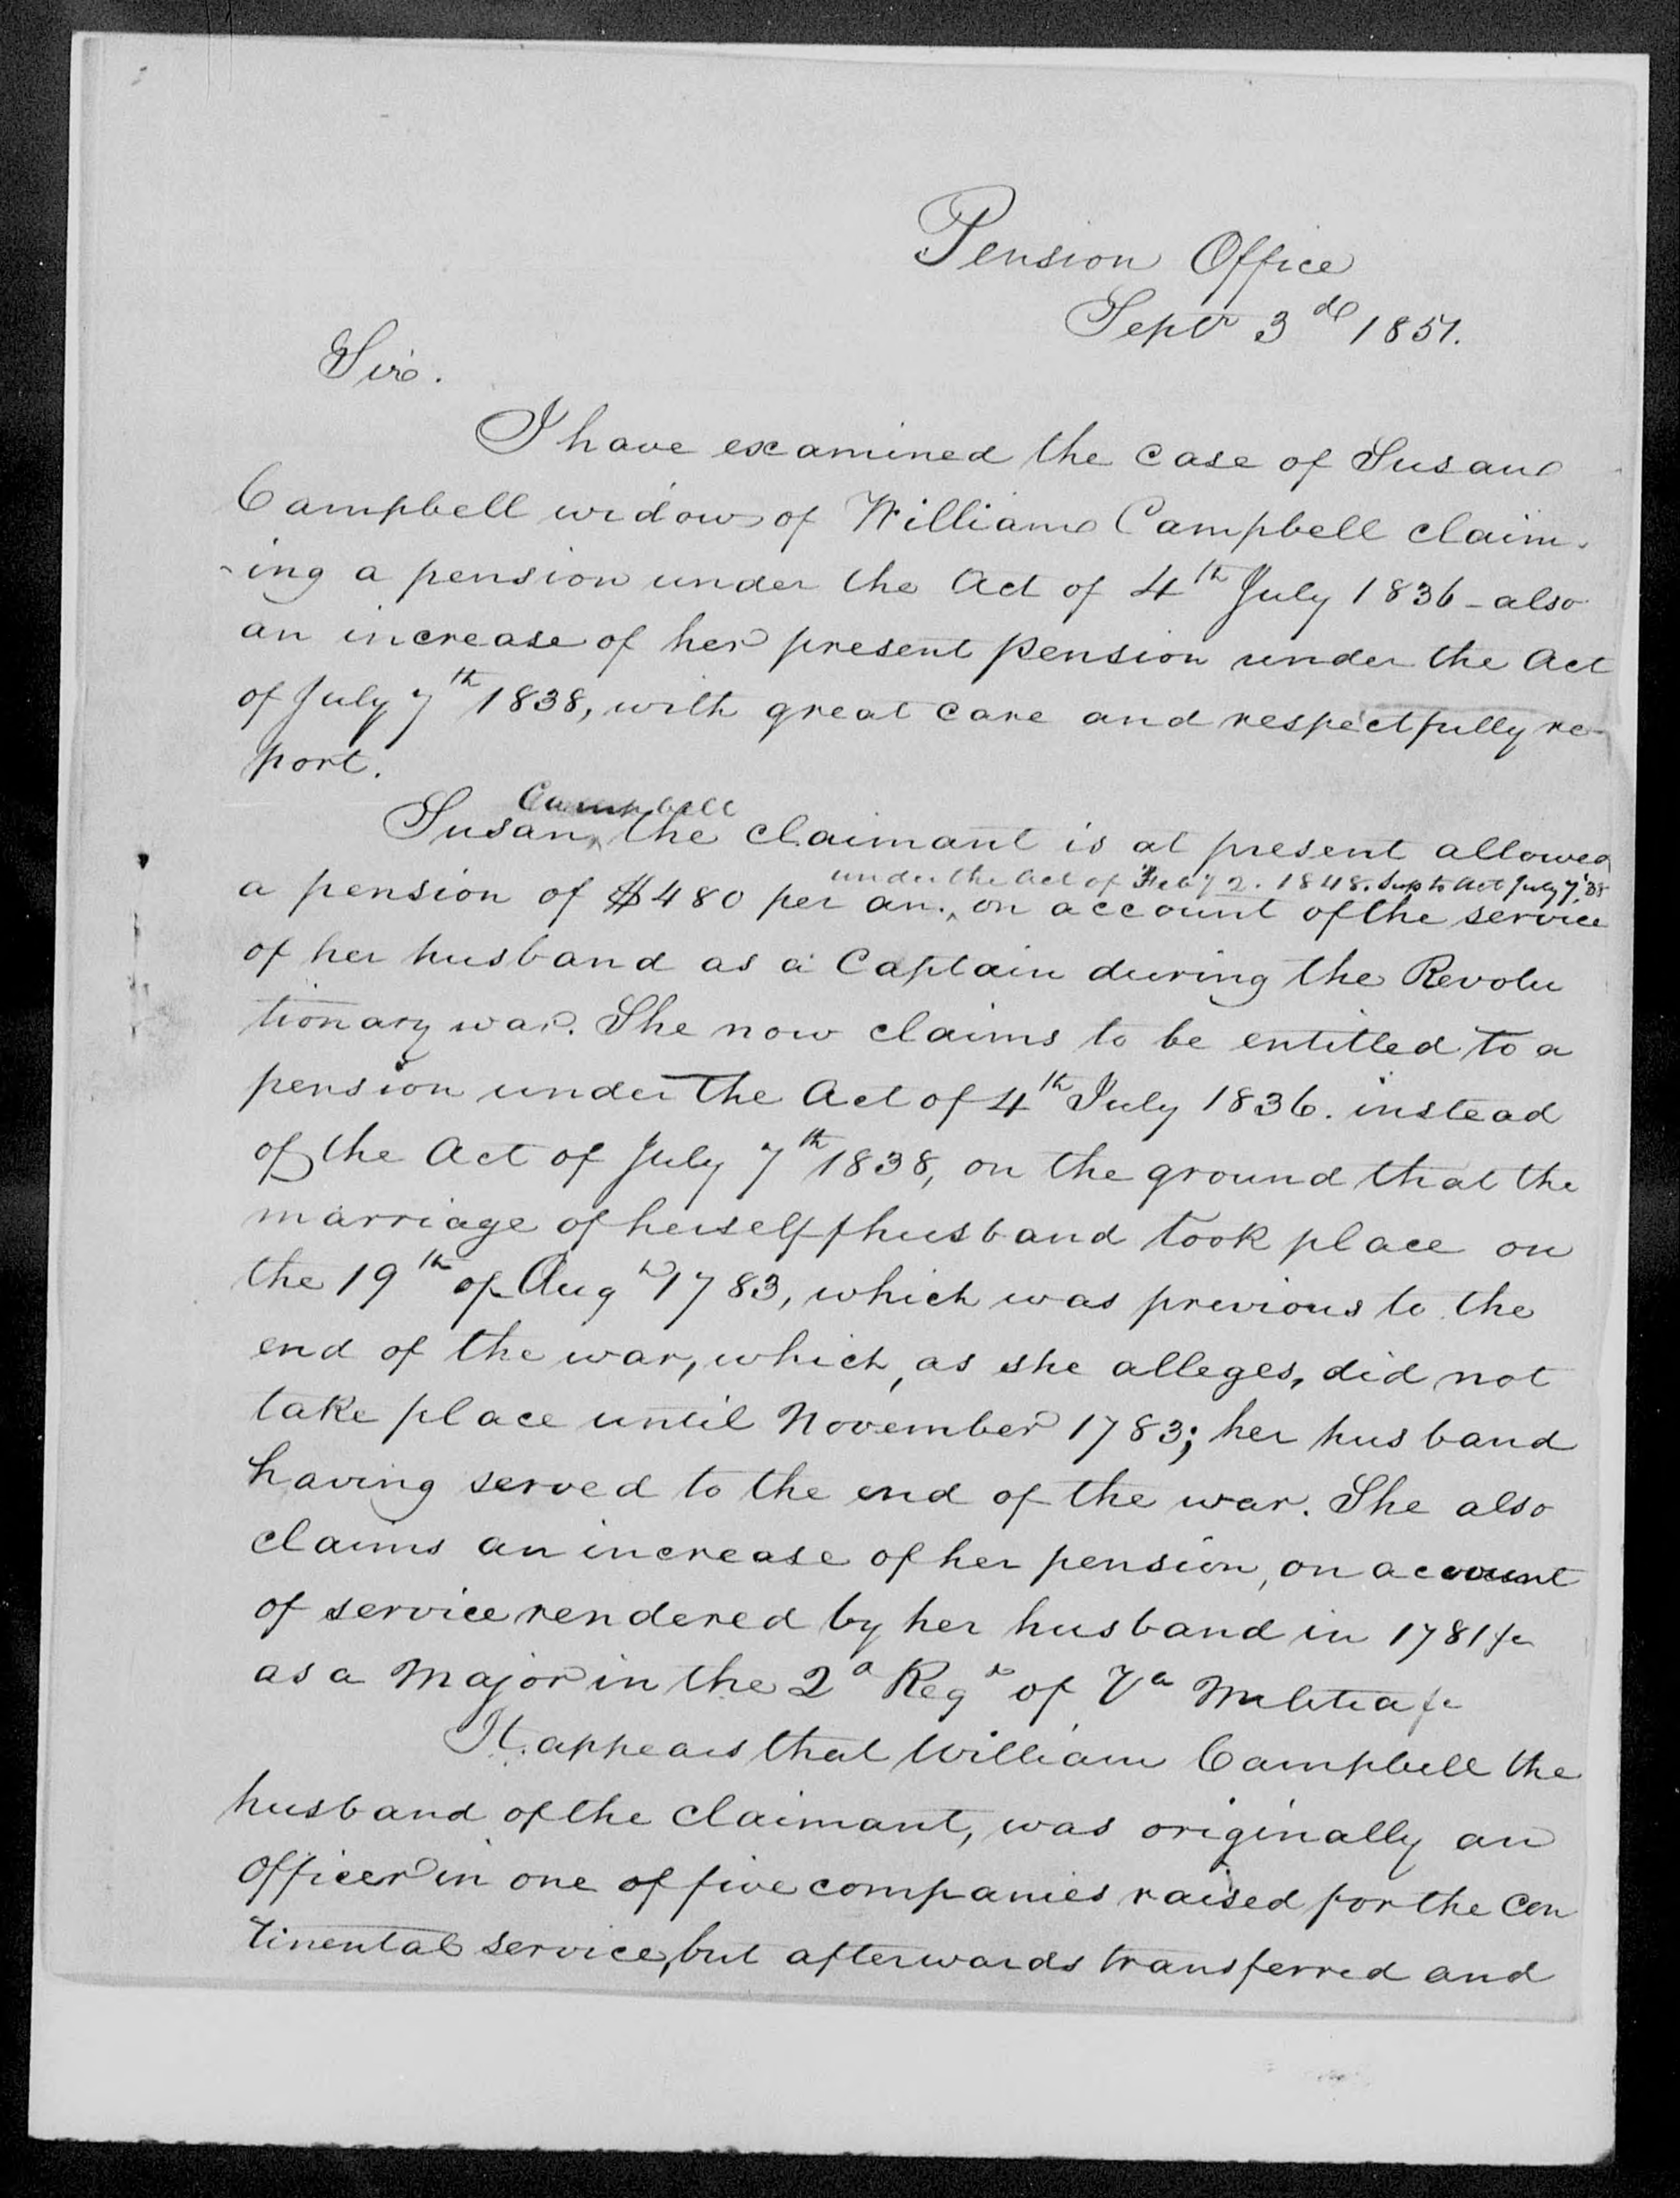Pension Office
Septr 3d 1851.
Sir,
I have examined the case of Susan Campbell widow of William Campbell claiming a pension under the Act of 4th July 1836 _ also an increase of her present pension under the Act of July 7th 1838, with great care and respectfully report.
Susan [insert] Campbell [end insert] the claimant is at present allowed a pension of $480 per an [insert] under the Act of Feb 7th. 1848. Sup to Act July 7.'38 [end insert] on account of the service of her husband as a Captain during the Revolutionary war. She now claims to be entitled to a pension under the Act of 4th July 1836. instead of the Act of July 7th 1838, on the grounds that the marriage of herself +[and] husband took place on the 19th of Augt 1783, which was previous to the end of the war, which, as she alleges, did not take place until November 1783; her husband  having served to the end of the war. She also claims an increase of her pension, on account of service rendered by her husband in 1781 as a Major in the 2d Regt of Va Militia 
It appears that William Campbell the husband of the claimant, was originally an officer in one of five companies raised for the Continental service, but afterwards transferred and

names: Susan Campbell, William Campbell, William Campbell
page: 80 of 267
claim: widow's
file: W. 4,149, William Campbell, Va.